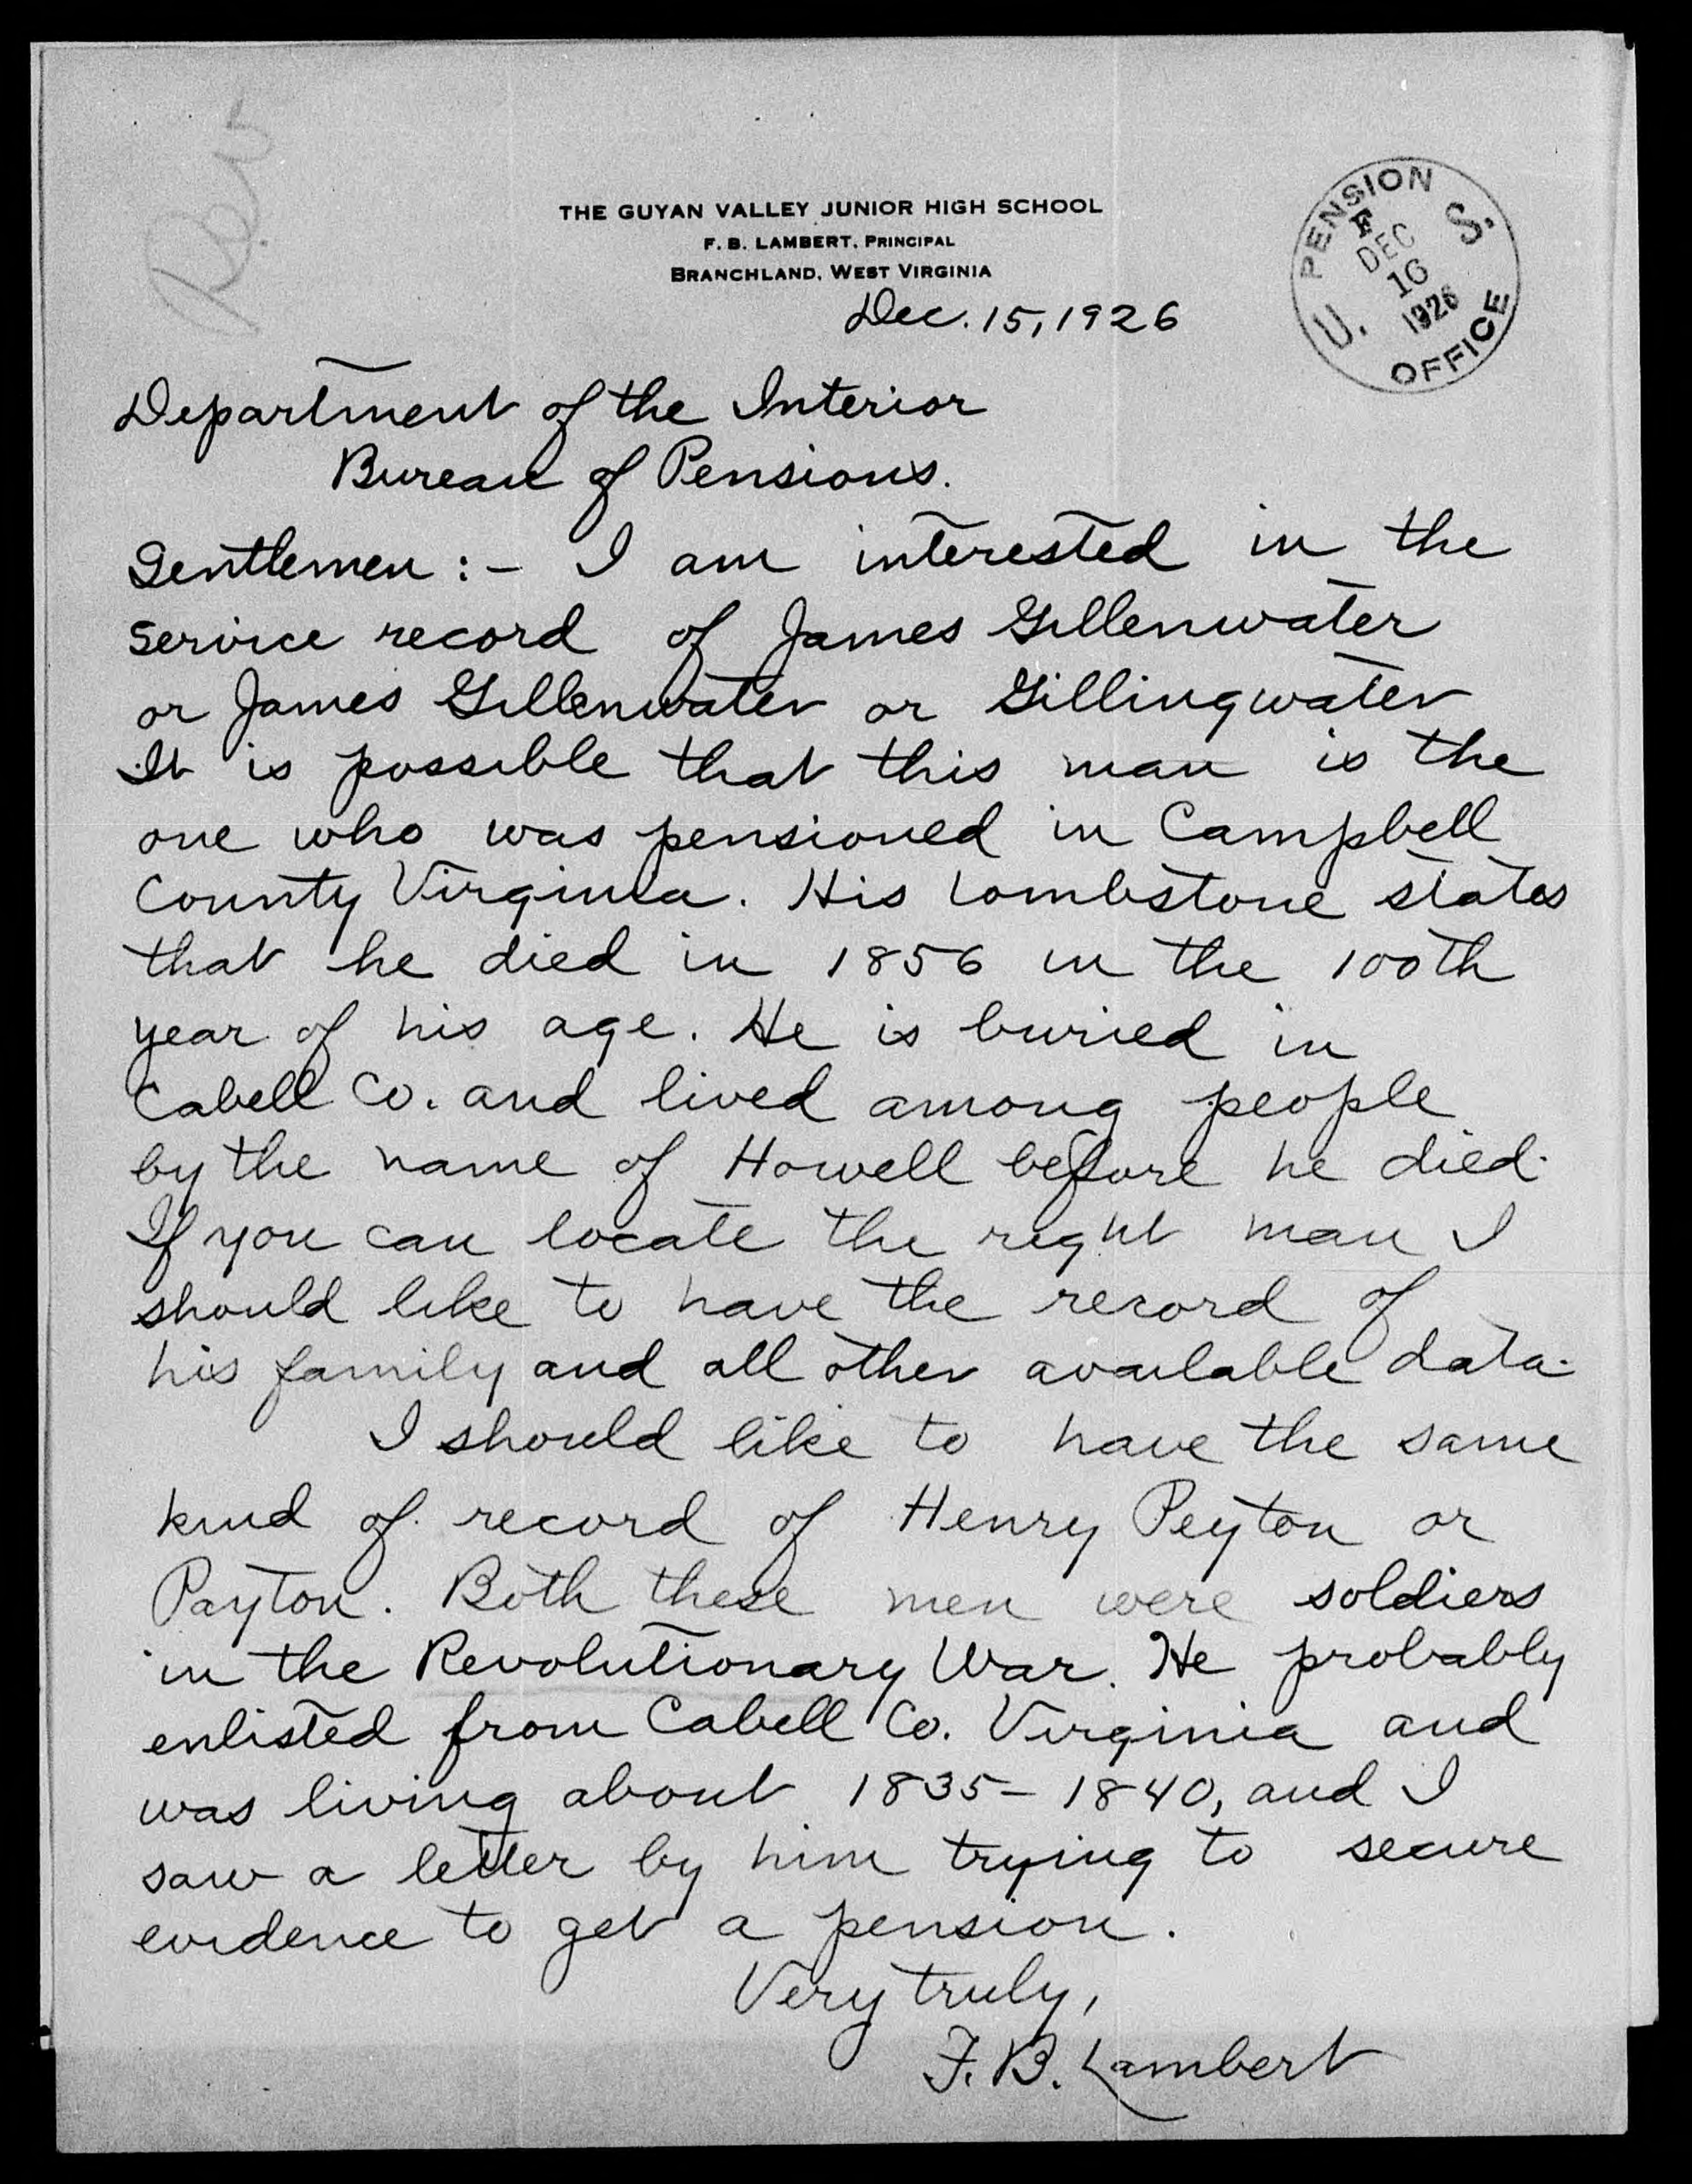THE GUYAN VALLEY JUNIOR HIGH SCHOOL 
F. B. LAMBERT, PRINCIPAL
BRANCHLAND, WEST VIRGINIA [Letterhead]

U.S. PENSION OFFICE F DEC 16 1926 [Stamp]

Dec. 15, 1926
Department of the Interior Bureau of Pensions
Gentlemen: I am interested in the service record of James Gillenwater or James Gilbenwater or Gillingwater It is possible that this man is the one who was pensioned in Campbell County Virginia. His tombstone states that he died in 1856 in the 100th year of his age. He is buried in Cabell Co. and lived among people by the name of Howell before he died. If you can locate the right man I should like to have the record of his family and all other available data.

I should like to have the same kind of record of Henry Peyton or Payton. Both these men were soldiers in the Revolutionary War. He probably enlisted from Cabell Co. Virginia and was living about 1835-1840, and I saw a letter by him trying to secure evidence to get a pension. Very truly, F.B. Lambert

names: F B Lambert, F B Lambert, James Gillenwater, Henry Payton, Howell, James Gillingwater, Henry Peyton, James Gillingwater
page: 32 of 36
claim: survivor's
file: S. 39570, James Gillingwater, Va.